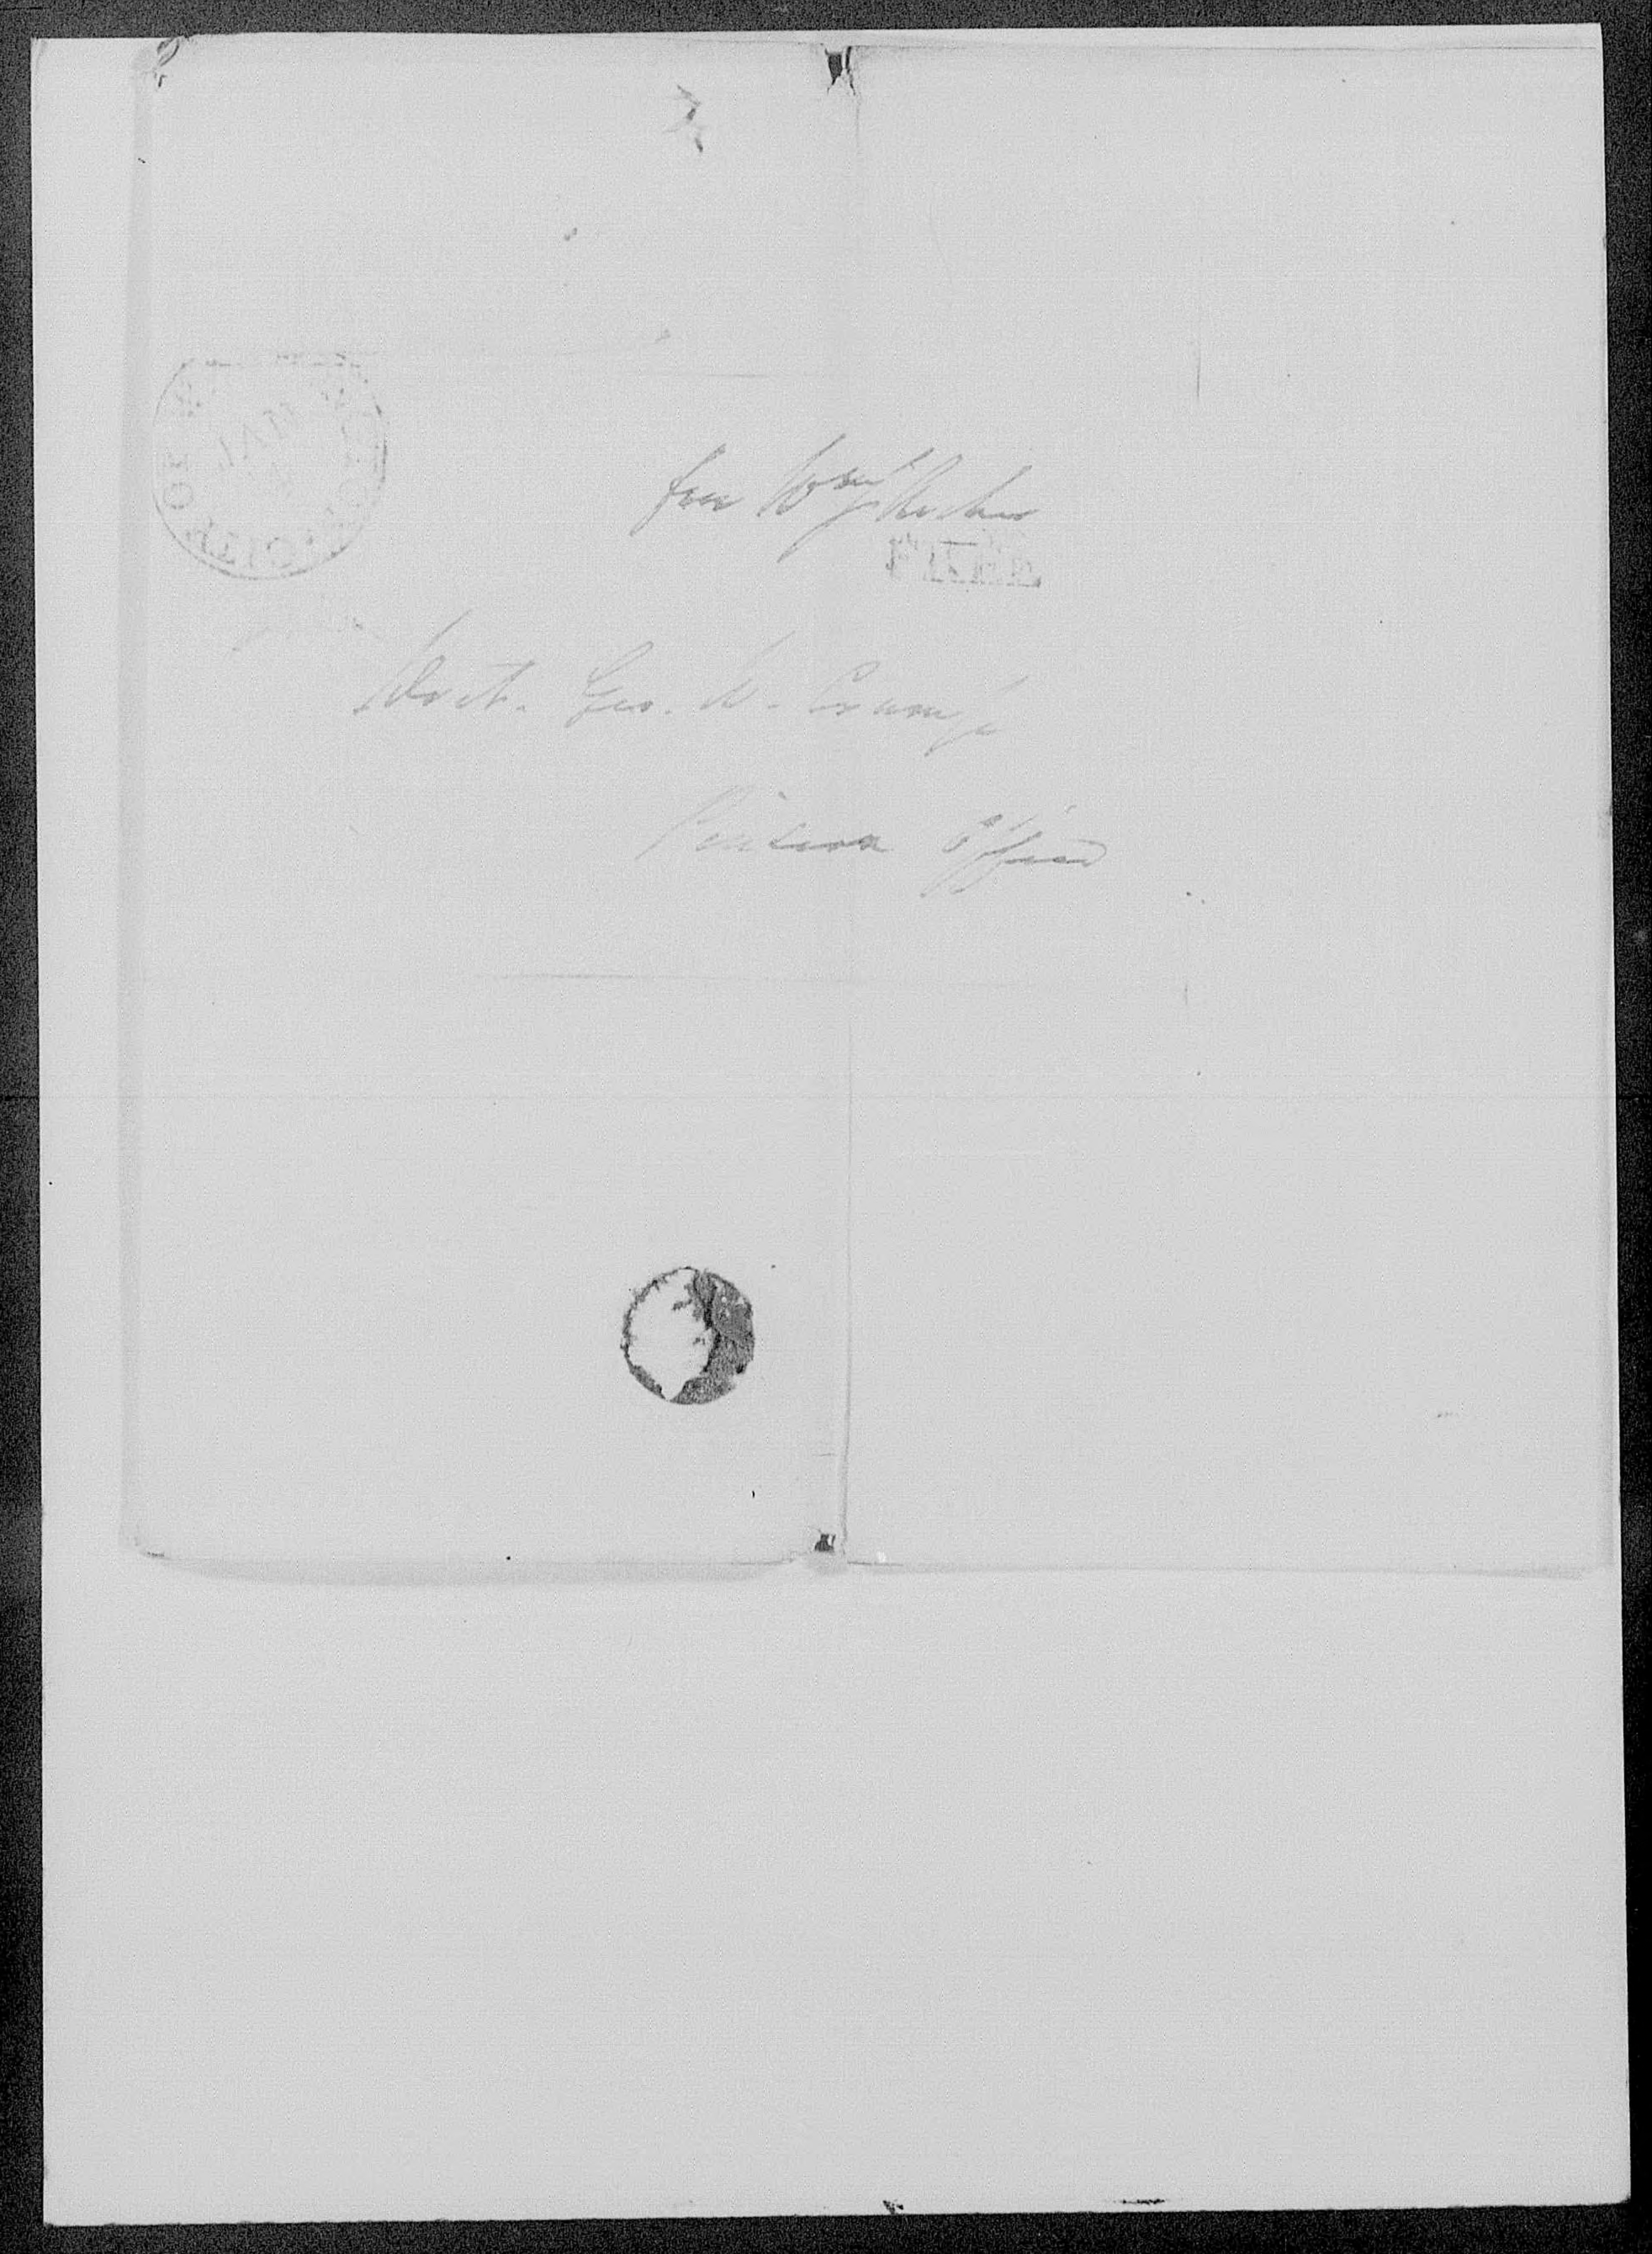Wm. S. Archer
(illegible) Geo. C. Crump

Powhatan Office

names: Wm S Archer, Geo C Crump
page: 8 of 18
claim: survivor's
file: S. 9096, Benjamin Barnard, Va.